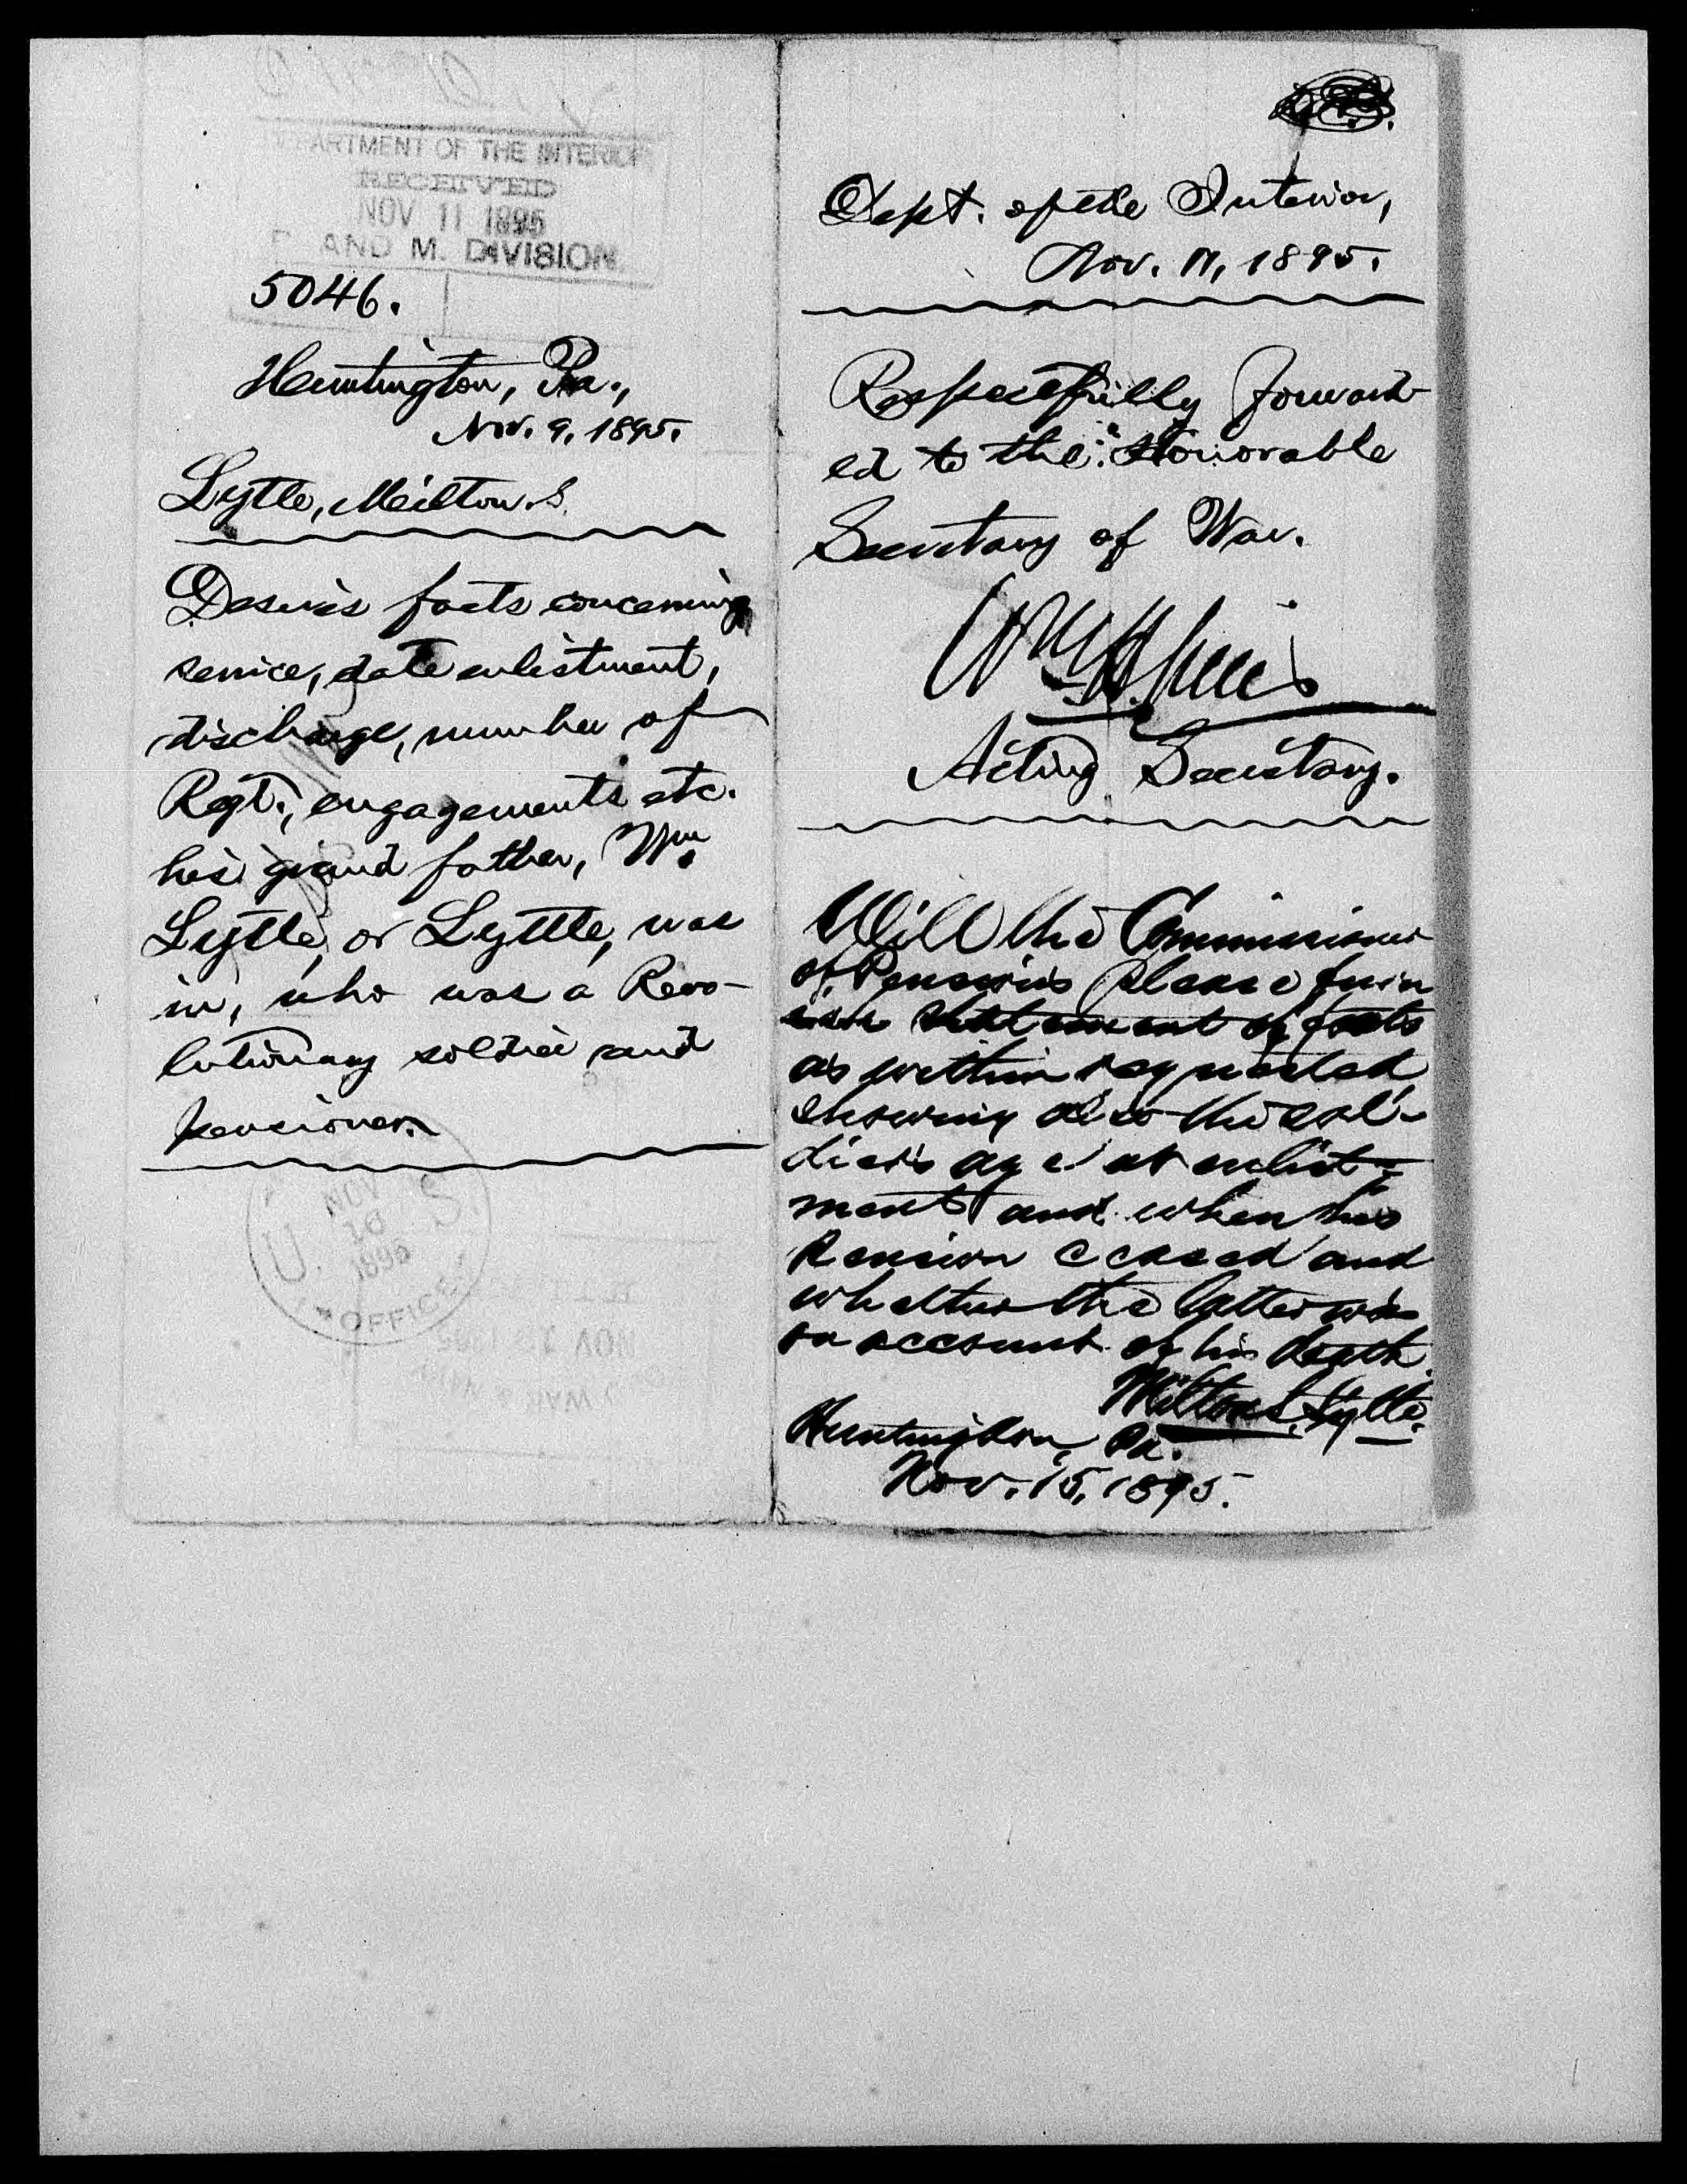[rectangular stamp: DEPARTMENT OF THE INTERIOR
RECEIVED NO 11 1895
P AND M. DIVISION]
5046

Huntington, Pa.
Nov. 9. 1845,
Lytle, Milton S.
Desire facts concerning service, date enlistment, discharge, number of Regt. engagements, etc. his grand father, Wm Lytle, or Lyttle, was in, who was a Revolutionary soldier and pensioner.

[circular stamp:  U.S. PENSION OFFICE 
NOV 16 1895]
[rectangular stamp: upside down:  OLD WAR & NAVY DIVISION - NOV 19 1895]
---
Dept. of the Interior,
Nov. 11, 1895.
Respectfully forwarded to the Honorable
Secretary of War.
[signature illegible]
Acting Secretary

Will the Commissioner of Pensions Please furnish statement of facts as within requested
showing also the soldier's age at enlistment and when his Pension ceased and whether the latter was on account of his death.
Milton S. Lytle
Huntingdon, Pa.
Nov. 15, 1895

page: 18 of 24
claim: survivor's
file: S. 13810, for William Lytle, New York